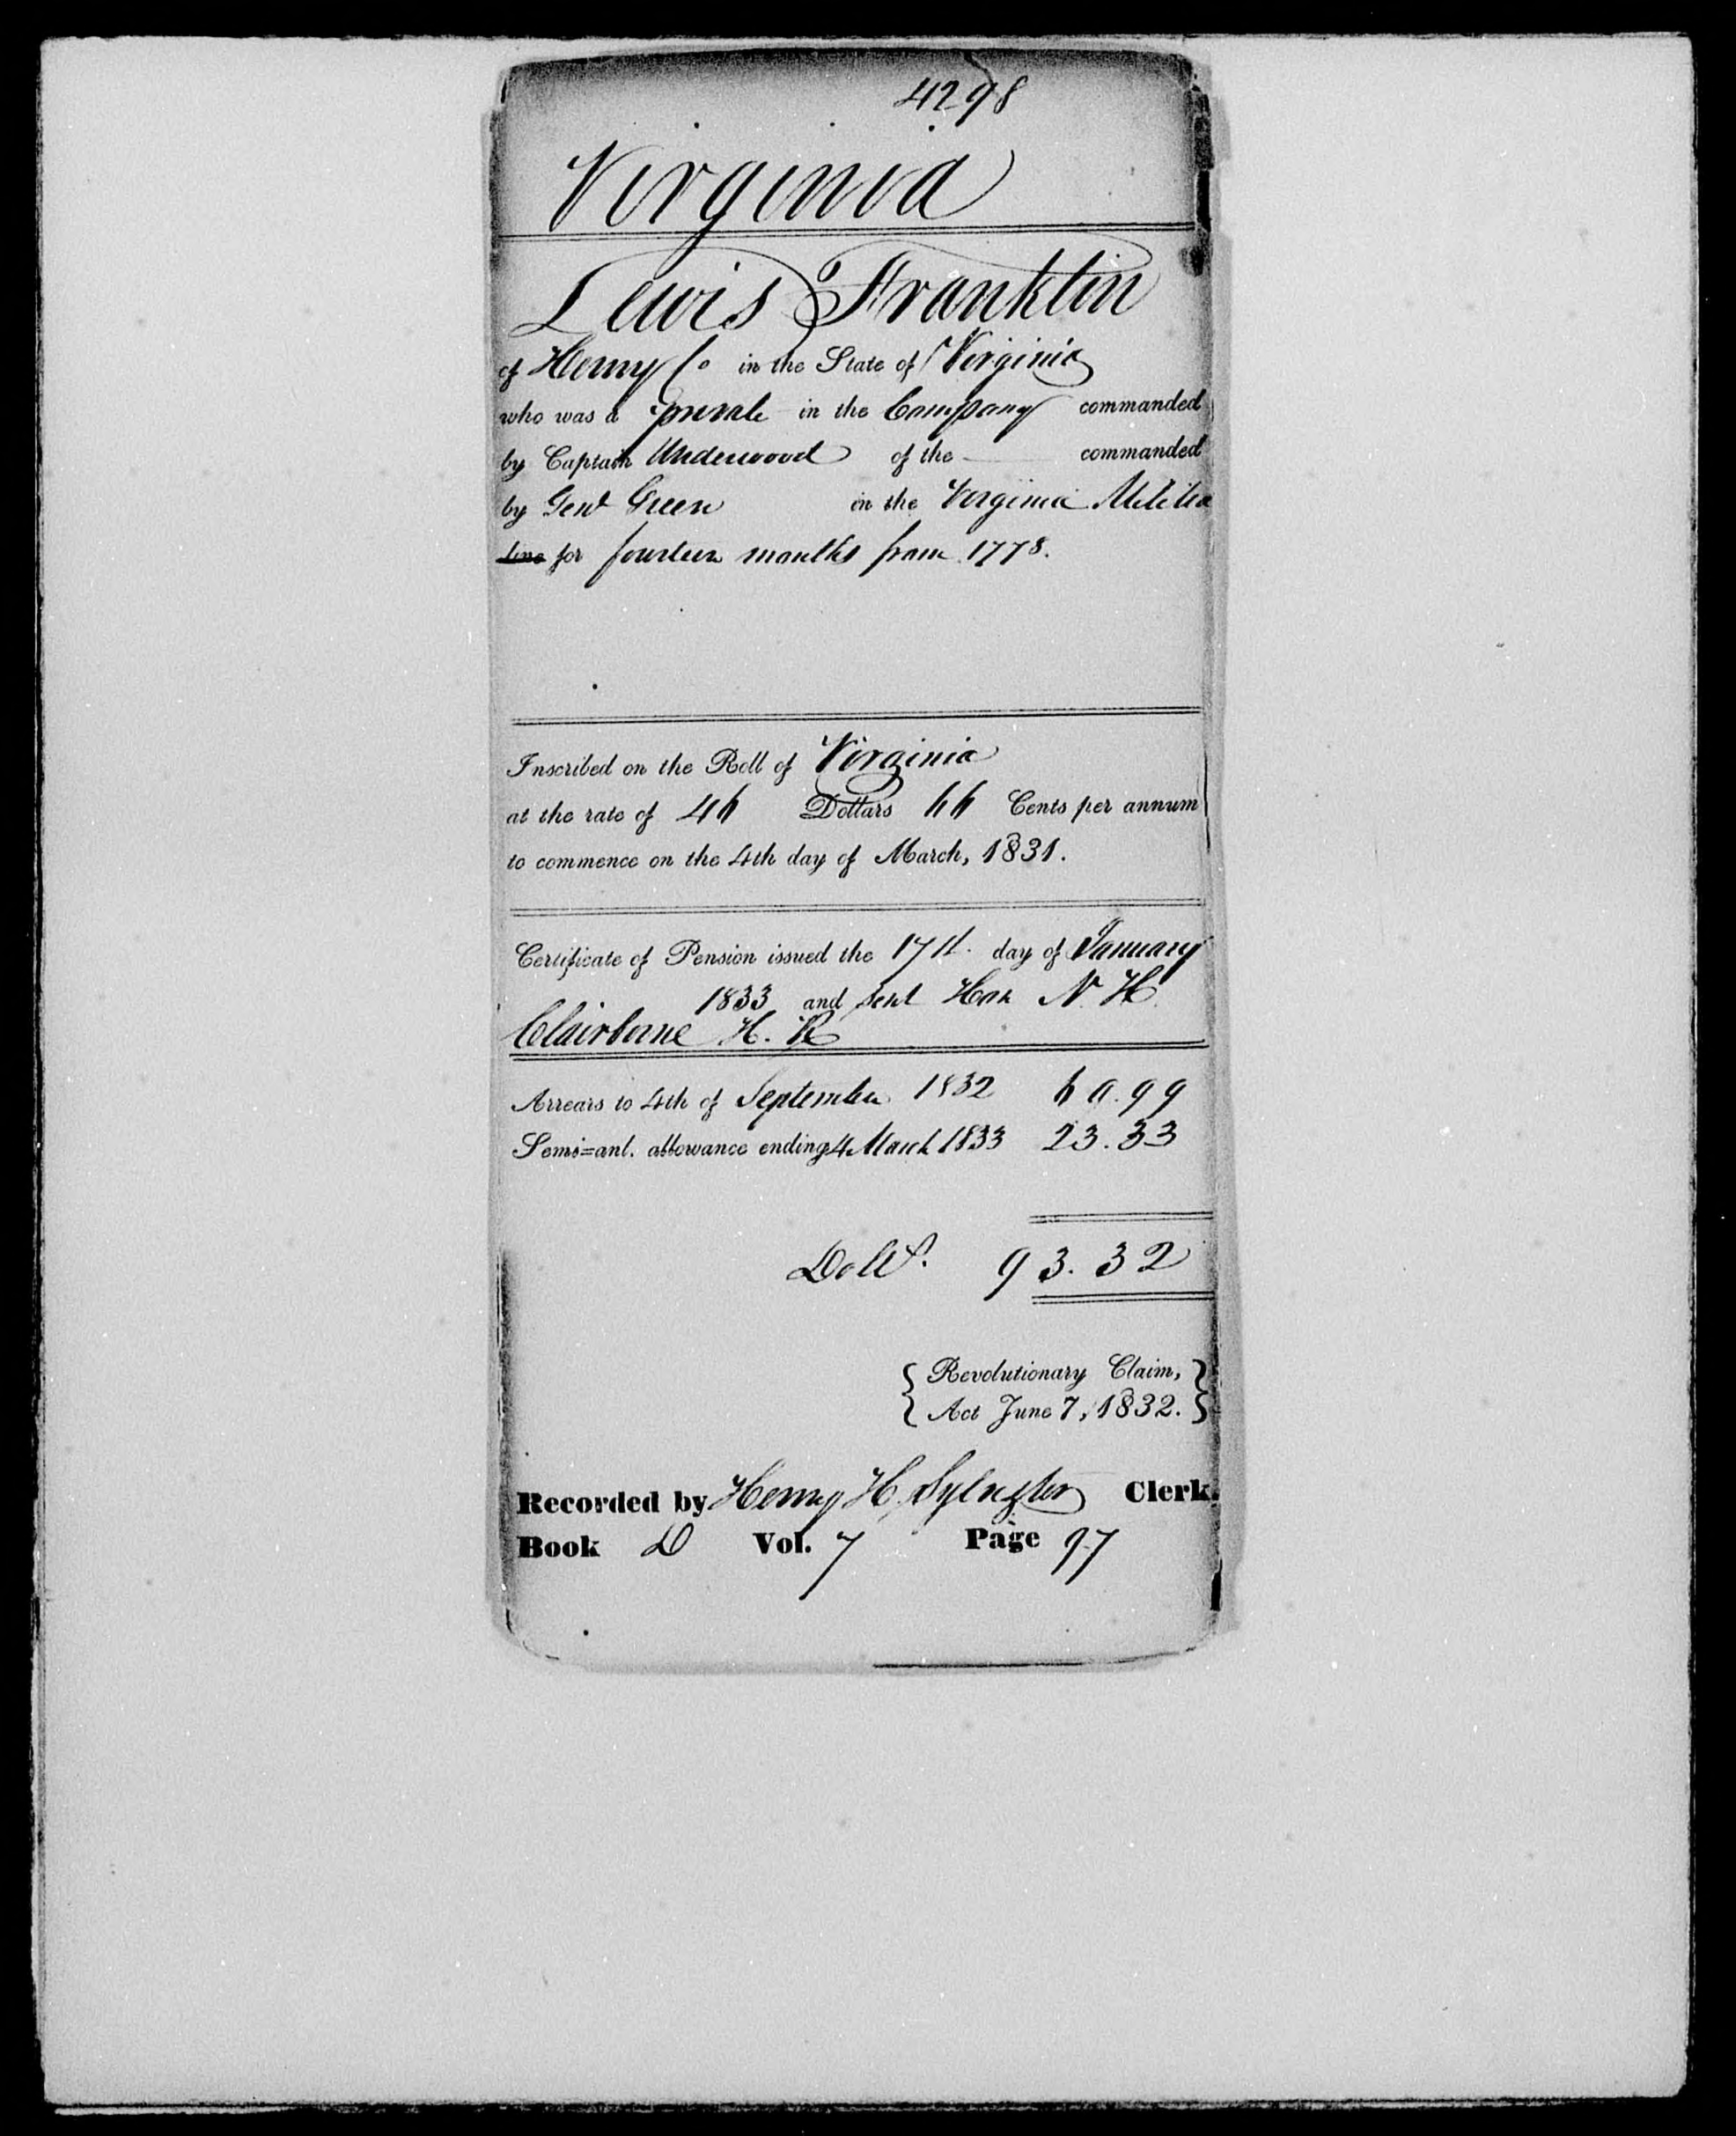4298
Virginia
Lewis Franklin of Henry Co. in the state of Virginia, who was a private in the company commanded by Captain Underwood of the -commanded by Gen Green in the Virginia Militia line for fourteen months from 1778.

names: Lewis Franklin, N H Clairborne, Henry H Sylvester, Underwood, Green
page: 2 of 20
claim: survivor's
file: S. 8519, Lewis Franklin, N.C. Va.